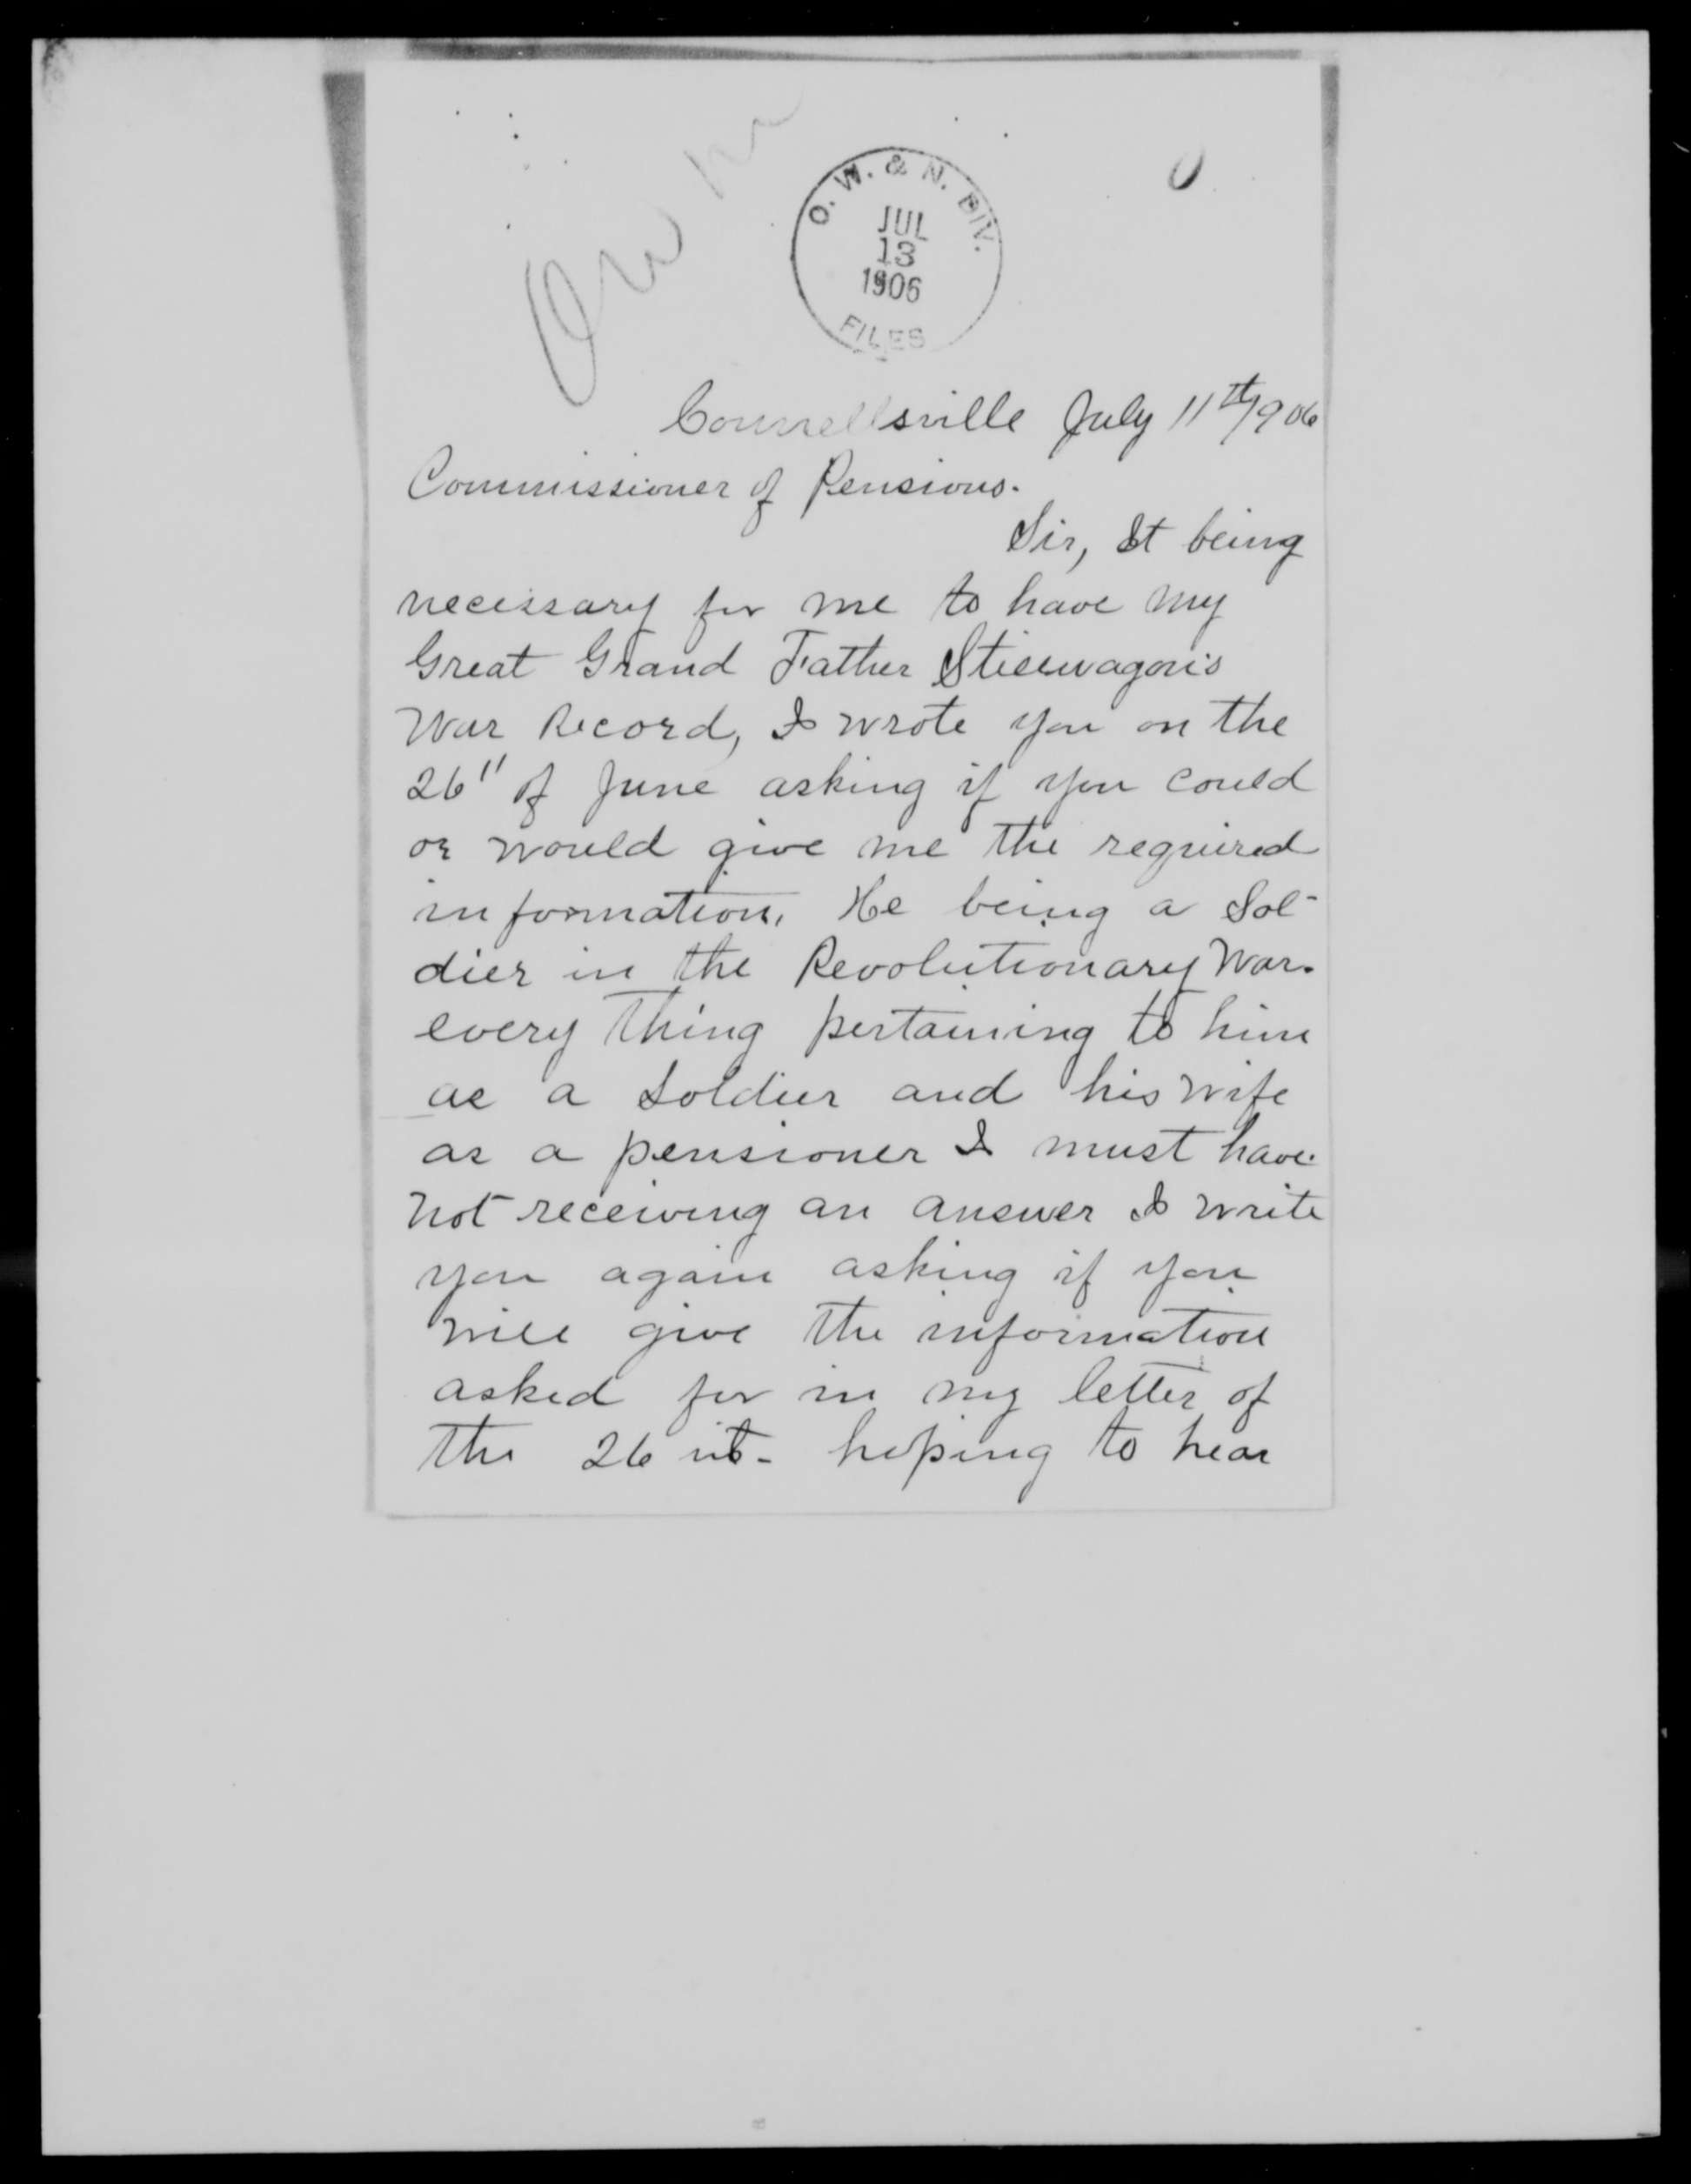[in pencil near upper left corner] ow[illegible] [in pencil near upper left corner]
[circular stamp] O. W. & N. Div. Files Jul 13 1905 [circular stamp]

Connellsville Jul 11th 1906
Commissioner of Pensions,
	Sir, it being necessary for me to have my Great Grand Fater Stillwagon’s War Record, I wrote you on the 26th of June asking if you could or would give me the required information. He being a Soldier in the Revolutionary War every thing pertaining to him as a Soldier and his wife as a pensioner I must nave not receiving an answer I write you again asking if you will give the information asked for in my letter of the 26 int [instant] hoping to hear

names: [BLANK] Stillwagon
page: 18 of 73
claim: widow's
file: W. 3197, for Peter Stillwagon, New Jersey